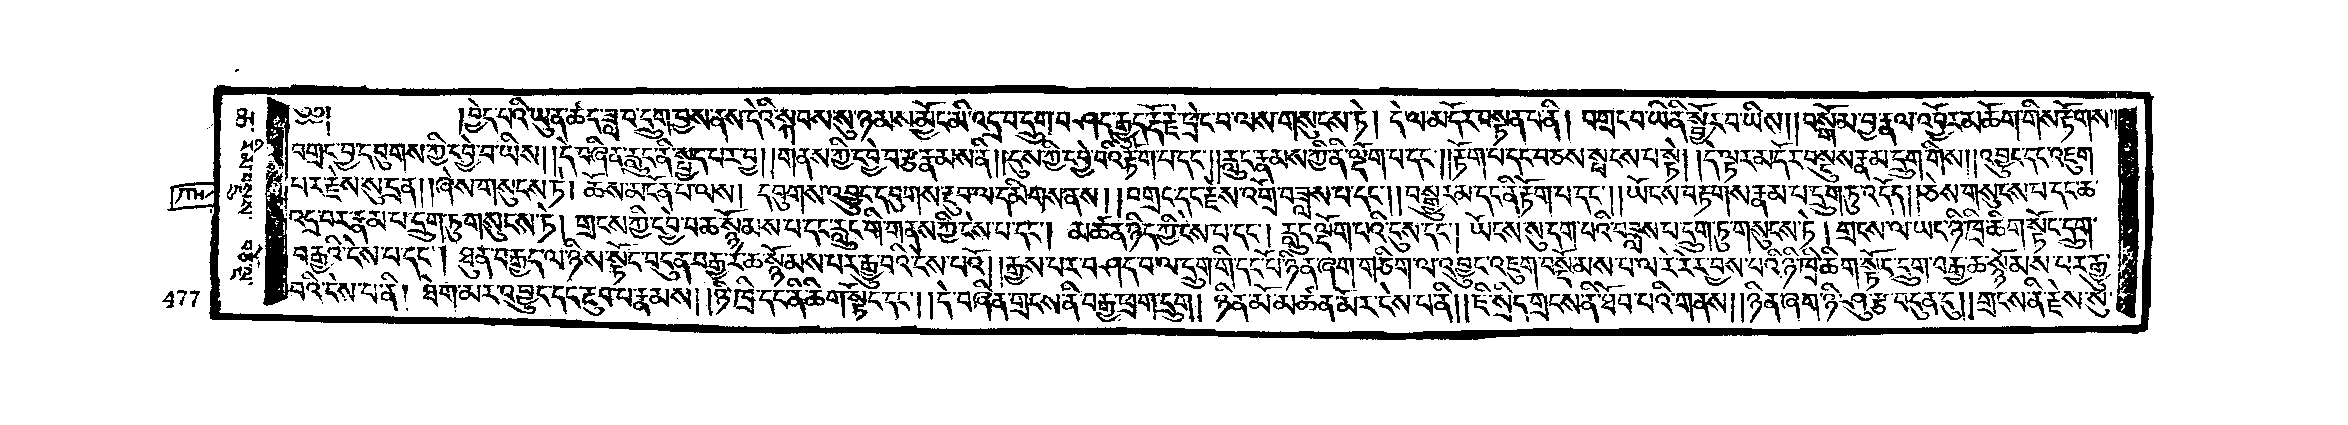༄༅། །བྱེད་པའི་ཡུན་ཚད་ཟླ་བ་དྲུག་བྱས་ནས་དེའི་སྐབས་སུ་ཉམས་མྱོང་མི་འདྲ་བ་དྲུག་བཤད་རྒྱུད་རྡོ་རྗེ་ཕྲེང་བ་ལས་གསུངས་ཏེ། དེ་ལ་མདོར་བསྟན་པ་ནི། བགྲང་བ་ཡི་ནི་སྦྱོར་བ་ཡིས། །བསྒོམ་བྱ་རྣལ་འབྱོར་མཆོག་གིས་རྟོགས།
བགྲང་བྱ་དབུགས་ཀྱི་དབྱེ་བ་ཡིས། །དེ་བཞིན་རླུང་ནི་སྤྱད་པར་བྱ། །གནས་ཀྱི་དབྱེ་བ་རྩ་རྣམས་ནི། །དུས་ཀྱི་དབྱེ་བའི་རྟོག་པ་དང་། །རླུང་རྣམས་ཀྱི་ནི་ལྡོག་པ་དང་། །རྟོག་པ་དང་བཅས་སྤངས་པ་སྟེ། །དེ་ལྟར་མདོར་བསྡུས་རྣམ་དྲུག་གིས། །འབྱུང་དང་འཇུག་
པར་རྗེས་སུ་དྲན། །ཞེས་གསུངས་ཏེ། ཆོས་མངོན་པ་ལས། དབུགས་འབྱུང་དབུགས་རྔུབ་ལ་དམིགས་ནས། །བགྲང་དང་རྗེས་འགྲོ་བཟླས་པ་དང་། །བསྒྱུར་མ་དང་ནི་རྟོག་པ་དང་། །ཡོངས་བརྟགས་རྣམ་པ་དྲུག་ཏུ་འདོད། །ཅེས་གསུངས་པ་དང་ཆ་
འདྲ་བར་རྣམ་པ་དྲུག་ཏུ་གསུངས་ཏེ། གྲངས་ཀྱི་དབྱེ་བ་ཆ་སྙོམས་པ་དང་རླུང་གི་གནས་ཀྱི་ངེས་པ་དང་། མཚན་ཉིད་ཀྱི་ངེས་པ་དང་། རླུང་ལྡོག་པའི་དུས་དང་། ཡོངས་སུ་དག་པའི་བཟླས་པ་དྲུག་ཏུ་གསུངས་ཏེ། གྲངས་ལ་ཡང་ཉི་ཁྲི་ཆིག་སྟོང་དྲུག་
བརྒྱའི་ངེས་པ་དང་། ཐུན་བརྒྱད་ལ་ཉིས་སྟོང་བདུན་བརྒྱ་རེ་ཆ་སྙོམས་པར་རྒྱུ་བའི་ངེས་པའོ། །རྒྱས་པར་བཤད་པ་ལ་དྲུག་གི་དང་པོ་ཉིན་ཞག་གཅིག་ལ་འབྱུང་འཇུག་བསྡོམས་པ་ལ་རེ་རེར་བྱས་པའི་ཉི་ཁྲི་ཆིག་སྟོང་དྲུག་བརྒྱ་ཆ་སྙོམས་པར་རྒྱུ་
བའི་ངེས་པ་ནི། ཐོག་མར་འབྱུང་དང་རྔུབ་པ་རྣམས། །ཉི་ཁྲི་དང་ནི་ཆིག་སྟོང་དང་། །དེ་བཞིན་གྲངས་ནི་བརྒྱ་ཕྲག་དྲུག །ཉིན་མོ་མཚན་མོར་ངེས་པ་ནི། །ཇི་སྲིད་གྲངས་ནི་ཐོབ་པའི་གནས། །ཉིན་ཞག་ཉི་ཤུ་རྩ་བདུན་དུ། །གྲངས་ནི་རྗེས་སུ་